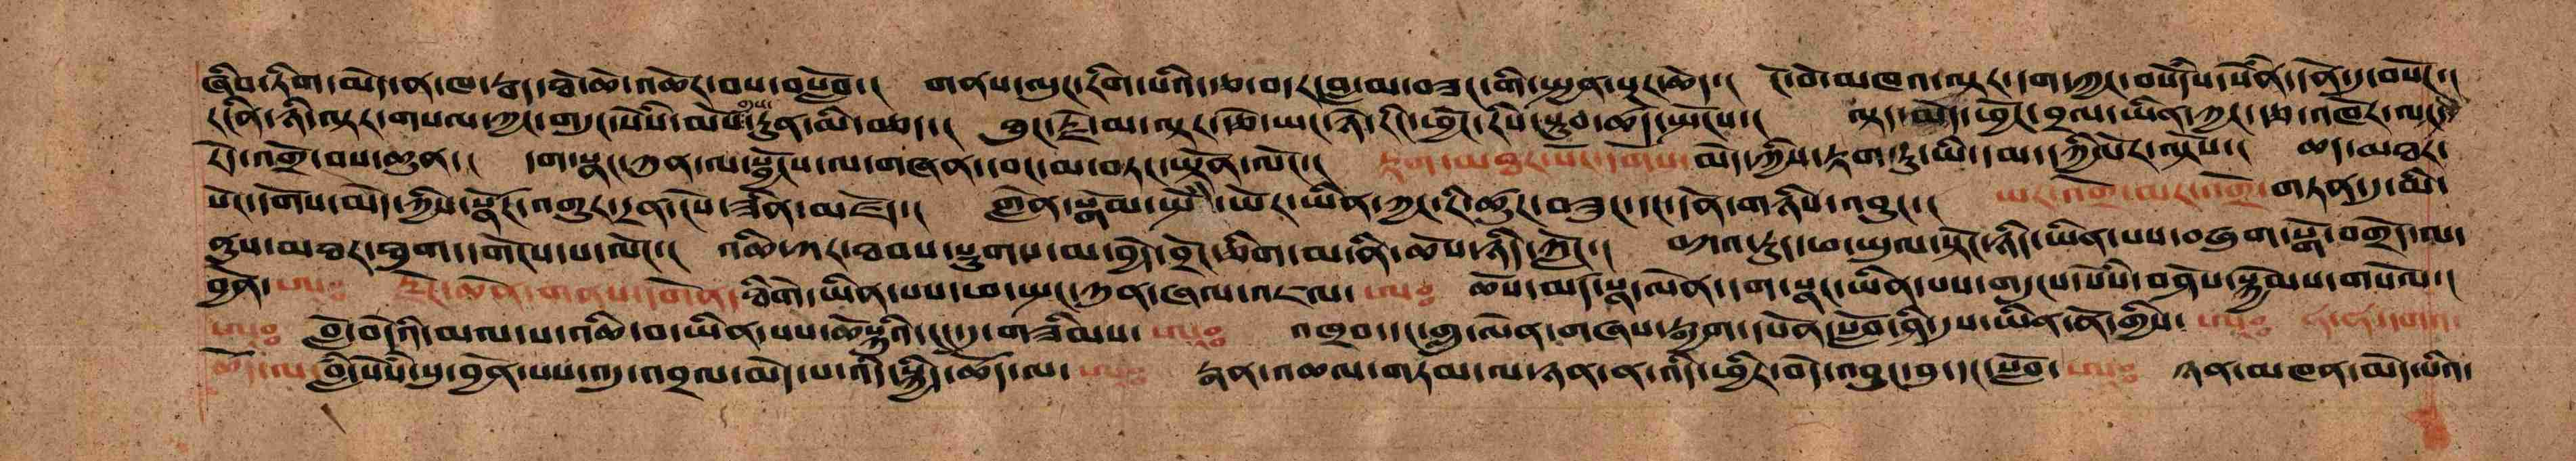ཞིབ་ཏིག་མེད་ན་ཁ་རྦད་ཐོ་ཆོ་འཆེར་བས་བསློབ། གནས་ལུགས་རིག་པའི་རྩ་བདར་བླ་མ་བཟང་གི་སྤྱན་སྔར་ཆོད། ངོ་བོ་མཁའ་ལྟར་དག་ཀྱང་བསོད་ནམས་སེམས་ཅན་དོན་དུ་བསོགས། 
རང་བཞིན་ཉི་ལྟར་གསལ་ཀྱང་གདུང་སེམས་མོས་གུས་རྒྱུན་མི་བཅད་། ཐུགས་རྗེ་མ་ལྟར་རྩེ་ཡང་ཉེ་རིང་ཕྱོགས་རིས་སྟུབ་ཚད་སྤོངས། ལྟད་མེད་ཕྱོགས་བྲལ་ཡིན་ཀྱང་རྩ་འཁོར་ལངའི་
རེད་འགྲོ་བས་ཆུན། དག་སྣང་ཀུན་ལ་སྦྱོངས་ལ་གཞན་དབང་མ་བཏང་ཡོན་ཏན་ལོང་།རྟག་མཐར་སོང་དགོས་མེད་ཀྱིས་རྟག་ཏུ་ཡི་དམ་དཀྱིལ་འཁོར་ལྟོས། ཆདམཐར་
སོར་དགོས་མེད་ཀྱིས་སྣ་ཚོགས་འགྱུར་དྲན་ངོས་ཟིན་མཛོད། གླེན་སྒོམ་སྤོའི་ཡོར་ཡིན་ཀྱང་རི་ཚུགས་བཟུང་དང་དོན་གཉིས་འབྱུང་། ཡར་འགྲོ་མར་འགྲོ་གཏན་དུ་མི་
ནུས་མཐར་ཐུག་དགོངས་པ་ལོང་། འཆི་ཀར་ཐབས་སྡུགས་མ་བྱེད་བྲོང་ཅིག་མ་ནི་ཆོས་ཉིད་ཀློང་། བཀའ་རྒྱུད་ཕ་ཡུལ་སྟོང་ཉིད་ཡིན་པས་བཞུག་སྒོ་བགྲོད་ལ་
བྱོན་ཨཿ རྫོགས་ཆེན་གནས་དགོན་ཐིག་ལེ་ཡིན་པས་ཕ་སྤང་ཀུན་ཞལ་འཇལ་ཨཿ ཆོས་མཛད་སྣ་ལེན་དག་སྣང་ཡིན་པས་གདུངས་སེམས་བཤོས་སྐྱེམས་གསོལ་། 
ཨཿ བློ་བདེའི་མལ་པ་འཆི་བ་ཡིན་པས་ཆོས་སྐུའི་ངང་དུ་གཟིམས་ཨཿ འཁྲབ་དང་གླུ་ལེན་གཞས་རྒྱག་དཔོན་སློབ་ཤི་དུས་ཡིན་ནོ་གྱིས། ཨཿ ཧ་ཧ་དགག་
ཚོད་ལ་བླ་མ་སེམས་སུ་བྱོན་པས་འདུ་འབྲལ་མེད་པ་འདི་སྐྱིད་ཚོད་ལ་ཨཿ རྒན་འཆལ་གཏམ་ལ་ཉན་ན་ཕྱིར་བདེ་འབྱུང་བུ་དང་སློབ་ཨཿ ཉན་མཁན་མེད་པའི་